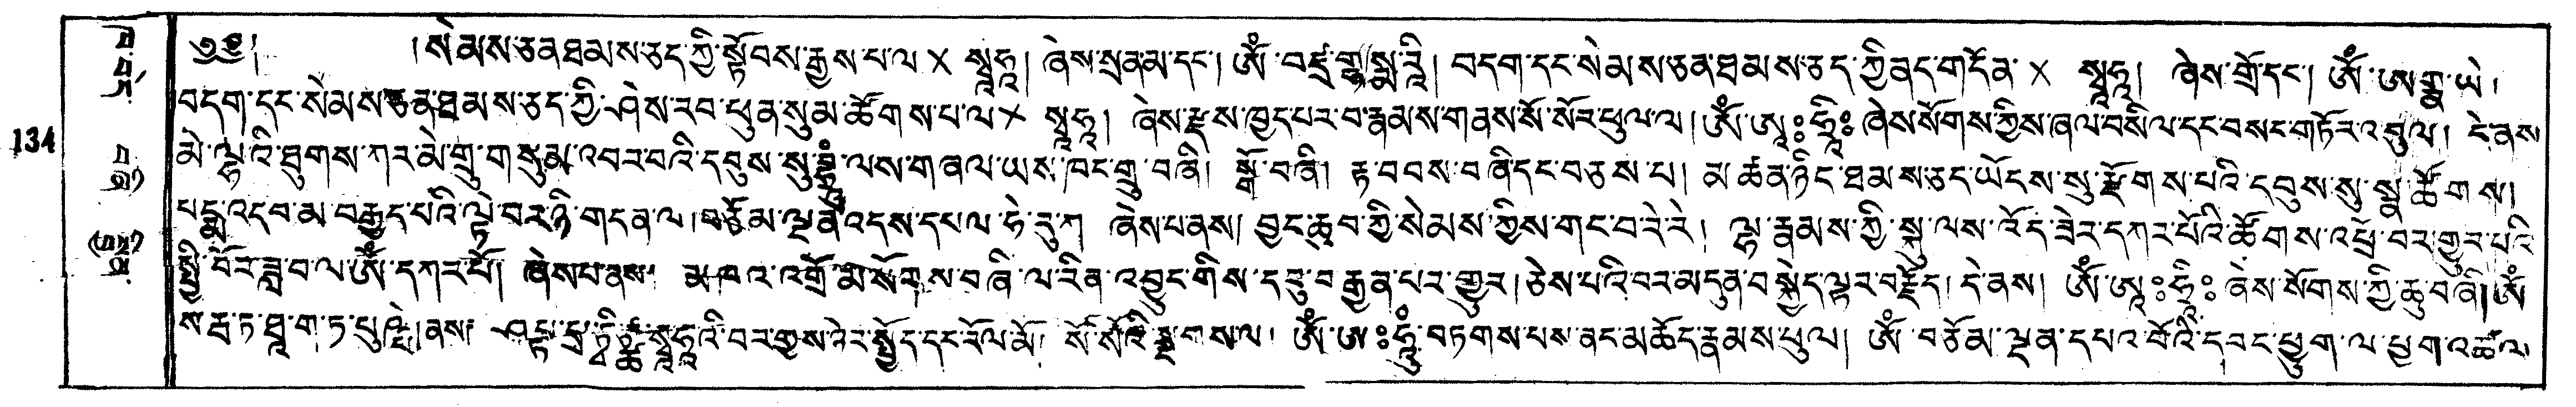༄༅། །སེམས་ཅན་ཐམས་ཅད་ཀྱི་སྟོབས་རྒྱས་པ་ལ་྾་སྭཱཧཱ། ཞེས་སྲན་མ་དང་། ཨོཾ་བཛྲ་གྷ་སྨ་རཱི། བདག་དང་སེམས་ཅན་ཐམས་ཅད་ཀྱི་ནད་གདོན་྾་སྭཱཧཱ། ཞེས་གྲོ་དང་། ཨོཾ་ཨགན་ཡེ།
བདག་དང་སེམས་ཅན་ཐམས་ཅད་ཀྱི་ཤེས་རབ་ཕུན་སུམ་ཚོགས་པ་ལ་྾་སྭཱཧཱ། ཞེས་རྫས་ཁྱད་པར་བ་རྣམས་གནས་སོ་སོར་ཕུལ་ལ། ཨོཾ་ཨཱཿ ཧྲཱིཿ ཞེས་སོགས་ཀྱིས་ཞལ་བསིལ་དང་བསང་གཏོར་འབུལ། དེ་ནས་
མེ་ལྷའི་ཐུགས་ཀར་མེ་གྲུ་གསུམ་འབར་བའི་དབུས་སུ་བྷྲཱུཾ་ལས་གཞལ་ཡས་ཁང་གྲུ་བཞི། སྒོ་བཞི། རྟ་བབས་བཞི་དང་བཅས་པ། མཚན་ཉིད་ཐམས་ཅད་ཡོངས་སུ་རྫོགས་པའི་དབུས་སུ་སྣ་ཚོགས།
པདམ་འདབ་མ་བརྒྱད་པའི་ལྟེ་བར་ཉི་གདན་ལ། བཅོམ་ལྡན་འདས་དཔལ་ཧེ་རུ་ཀ་ཞེས་པ་ནས། བྱང་ཆུབ་ཀྱི་སེམས་ཀྱིས་གང་བ་རེ་རེ། ལྷ་རྣམས་ཀྱི་སྐུ་ལས་འོད་ཟེར་དཀར་པོའི་ཚོགས་འཕྲོ་བར་གྱུར་པའི་
སྤྱི་བོར་ཟླ་བ་ལ་ཨོཾ་དཀར་པོ། ཞེས་པ་ནས། མཁའ་འགྲོ་མ་སོགས་བཞི་ལ་རིན་འབྱུང་གིས་དབུ་བརྒྱན་པར་གྱུར། ཅེས་པའི་བར་མདུན་བསྐྱེད་ལྟར་བརྗོད། དེ་ནས། ཨོཾ་ཨཱཿཧྲཱིཿ ཞེས་སོགས་ཀྱི་ཆུ་བཞི། ཨོཾ་
ས་རྦ་ཏ་ཐཱ་ག་ཏ་པུཥྤེ། ནས༑ ཤཔྟ་པྲ་ཏྭི་ཙྪ་སྭཱཧཱའི་བར་གྱས་ཉེར་སྤྱོད་དང་རོལ་མོ། སོ་སོའི་སྔ་གསལ། ཨོཾ་ཨཿ ཧཱུཾ་བཏགས་པས་ནང་མཆོད་རྣམས་ཕུལ། ཨོཾ་བཅོམ་ལྡན་དཔའ་བོའི་དབང་ཕྱུག་ལ་ཕྱག་འཚལ་